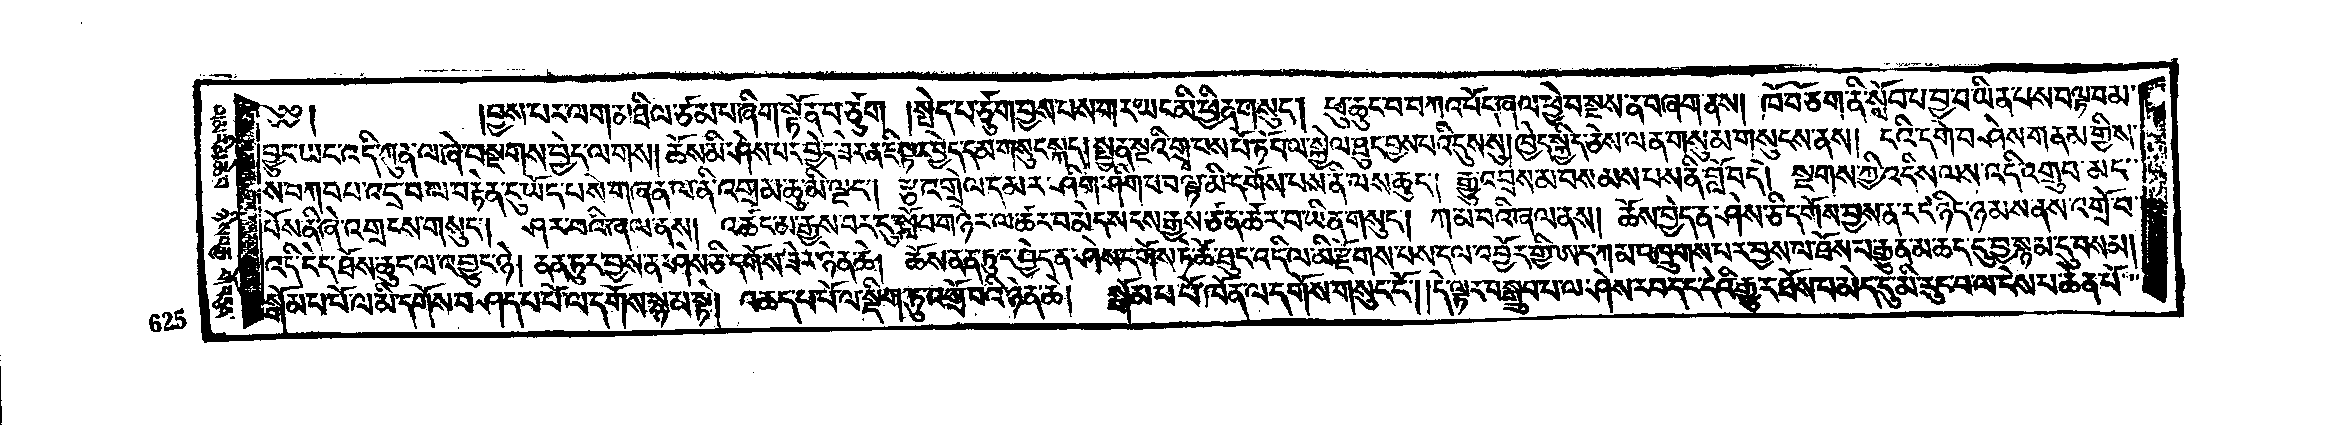༄༅། །བྱས་པར་ལག་མཐིལ་ཙམ་པ་ཞིག་སྟོན་པ་ཙུག །སྦེད་པ་ཙུག་བྱས་པས་གར་ཡང་མི་ཕྱིན་གསུང་། ཕུ་ཆུང་བ་བཀའ་པོད་ཞལ་ཕྱེ་བ་སྔས་ན་བཞག་ནས། ཁོ་བོ་ཅག་ནི་སློབ་པ་བྱ་བ་ཡིན་པས་བལྟ་བ་མ་
བྱུང་ཡང་འདི་ཀུན་ལ་ཞེ་བསྔགས་བྱེད་ལགས། ཆོས་མི་ཤེས་པར་བྱེད་ཟེར་ན་ཇི་ལྟར་བྱེད་དམ་གསུང་སྐད། སྤྱན་སྔའི་གྲྭ་པས་པོ་ཏོ་བ་ལ་སྐྱེལ་ཐུང་བྱས་པའི་དུས་སུ། ཁྱེད་སྐྱིད་ཅེས་ལན་གསུམ་གསུངས་ནས། ངའི་དགེ་བཤེས་གནམ་གྱིས་
ས་བཀབ་པ་འདྲ་བ་ལ་བརྟེན་དུ་ཡོད་པས་གཞན་ལ་ནི་འགྲམ་ཆུ་མི་ལྡང་། རྩ་འགྲེལ་དམར་ཤིག་ཤིག་པ་བལྟ་མི་དགོས་པས་ནི་ལས་ཆུང་། རྒྱུ་འབྲས་མ་བསམས་པས་ནི་བློ་བདེ། སྔགས་ཀྱི་འདིས་ལས་འདི་འགྲུབ་མང་
པོས་ནི་ཞེ་འགྲངས་གསུང་། ཤ་ར་བའི་ཞལ་ནས། འཚང་མ་རྒྱས་བར་དུ་སློབ་གཉེར་ལ་ཚར་བ་མེད་སངས་རྒྱས་ཙ་ན་ཚར་བ་ཡིན་གསུང་། ཀ་མ་བའི་ཞལ་ནས། ཆོས་བྱེད་ན་ཤེས་ཅི་དགོས་བྱས་ན་རང་ཉིད་ཉམས་ནས་འགྲོ་བ་
འདི་ངེད་ཐོས་ཆུང་ལ་འབྱུང་ཉེ། ནན་ཏུར་བྱས་ན་ཤེས་ཅི་དགོས་ཟེར་ཉེན་ཆེ། ཆོས་ནན་ཏུར་བྱེད་ན་ཤེས་དགོས་ཏེ་ཚེ་ཐུང་འདི་ལ་མི་རྫོགས་པས་དལ་འབྱོར་གྱི་ཨང་ཀ་མ་འཁྲུགས་པར་བྱས་ལ་ཐོས་པ་རྒྱུན་མ་ཆད་དུ་བྱ་སྙམ་དུ་བསམ།
སྒོམ་པ་པོ་ལ་མི་དགོས་བཤད་པ་པོ་ལ་དགོས་སྙམ་སྟེ། འཆད་པ་པོ་ལ་སྡིག་ཏུ་འགྲོ་བའི་ཉེན་ཆེ། སྒོམ་པ་པོ་ཁོ་ན་ལ་དགོས་གསུང་ངོ། །དེ་ལྟར་བསྒྲུབ་པ་ལ་ཤེས་རབ་དང་དེའི་རྒྱུར་ཐོས་པ་མེད་དུ་མི་རུང་བ་ལ་ངེས་པ་ཆེན་པོ་